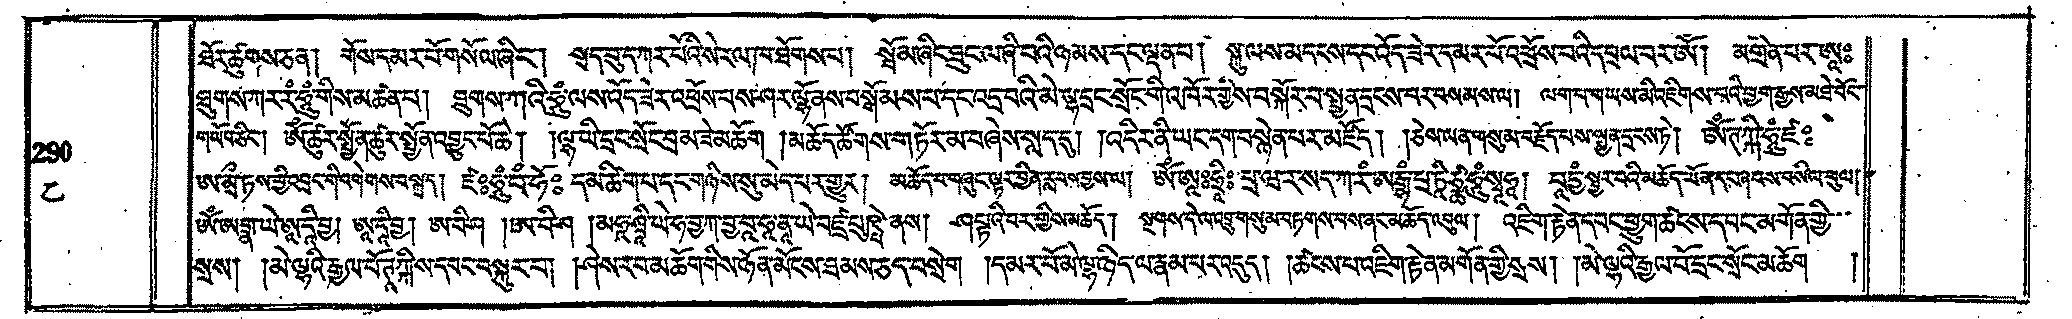ཐོར་ཚུགས་ཅན། གོས་དམར་པོ་གསོལ་ཞིང་། སྲད་བུ་དཀར་པོའི་སེ་རལ་ཁ་ཐོགས་པ། སྦོམ་ཞིང་ཐུང་ལ་ཞི་བའི་ཉམས་དང་ལྡན་པ། སྐུ་ལས་མདངས་དང་འོད་ཟེར་དམར་པོ་འཕྲོས་པའི་དཔྲལ་བར་ཨོཾ། མགྲིན་པར་ཨཱཿ
ཐུགས་ཀར་རཾ་ཧཱུཾ་གིས་མཚན་པ། ཐུགས་ཀའི་ཧཱུཾ་ལས་འོད་ཟེར་འཕྲོས་པས་ཤར་ལྷོ་ནས་བསྒོམས་པ་དང་འདྲ་བའི་མེ་ལྷ་དྲང་སྲོང་གི་འཁོར་གྱིས་བསྐོར་བ་སྤྱན་དྲངས་པར་བསམས་ལ། ལག་པ་གཡས་མི་འཇིགས་པའི་ཕྱག་རྒྱས་མཐེ་བོང་་་
གཡོབ་ཅིང་། ཨོཾ་ཚུར་སྤྱོན་ཚུར་སྤྱོན་འབྱུང་པོ་ཆེ། །ལྷ་ཡི་དྲང་སྲོང་བྲམ་ཟེ་མཆོག །མཆོད་ཚོགས་གཏོར་མ་བཞེས་སླད་དུ། །འདིར་ནི་ཡང་དག་བསྙེན་པར་མཛོད། །ཅེས་ལན་གསུམ་བརྗོད་པས་སྤྱན་དྲངས་ཏེ།  ཨོཾ་ཊཀྐི་ཧཱུཾ་ཛཿ
ཨ་མྲྀ་ཏས་ཕྱི་འབྲང་གི་བགེགས་བསྐྲད།  ཛཿཧཱུཾ་བཾ་ཧོཿ དམ་ཚིག་པ་དང་གཉིས་སུ་མེད་པར་གྱུར། མཆོད་པ་གཞུང་ལྟར་བྱིན་རླབས་བྱས་ལ། ཨོཾ་ཨཱཿཧྲཱིཿ པྲ་ཝ་ར་སད་ཀ་རཾ་ཨརྒྷཾ་པྲ་ཏཱི་ཙྪ་ཧཱུཾ་སྭཱཧཱ། པཱདྱཾ་སྦྱར་བའི་མཆོད་ཡོན་དང་ཞབས་བསིལ་ཕུལ།
ཨོཾ་ཨགན་ཡེ་ཨཱ་དཱི་བྱ། ཨཱ་དཱི་བྱ། ཨ་བི་ཤ་།ཨ་བི་ཤ་།མཧཱ་ཤྲཱི་ཡེ་ཧ་བྱ་ཀ་བྱ་བཱ་ཧཱ་ནའ་ཡེ་བཛྲ་པུཥྤེ་ནས། ཤྤྟའི་བར་གྱིས་མཆོད། སྔགས་དེ་ལ་འབྲུ་གསུམ་བཏགས་པས་ནང་མཆོད་འབུལ།  འཇིག་རྟེན་དབང་ཕྱུག་ཚངས་དབང་མགོན་གྱི་་་
སྲས། །མེ་ལྷའི་རྒྱལ་པོ་ཊཱཀྐིས་དབང་བསྐུར་བ། །ཤེས་རབ་མཆོག་གིས་ཉོན་མོངས་ཐམས་ཅད་བསྲེག །དམར་པོ་མེ་ལྷ་ཉིད་ལ་རྣམ་པར་འདུད། །ཚངས་པ་འཇིག་རྟེན་མགོན་གྱི་སྲས། །མེ་ལྷའི་རྒྱལ་པོ་དྲང་སྲོང་མཆོག །